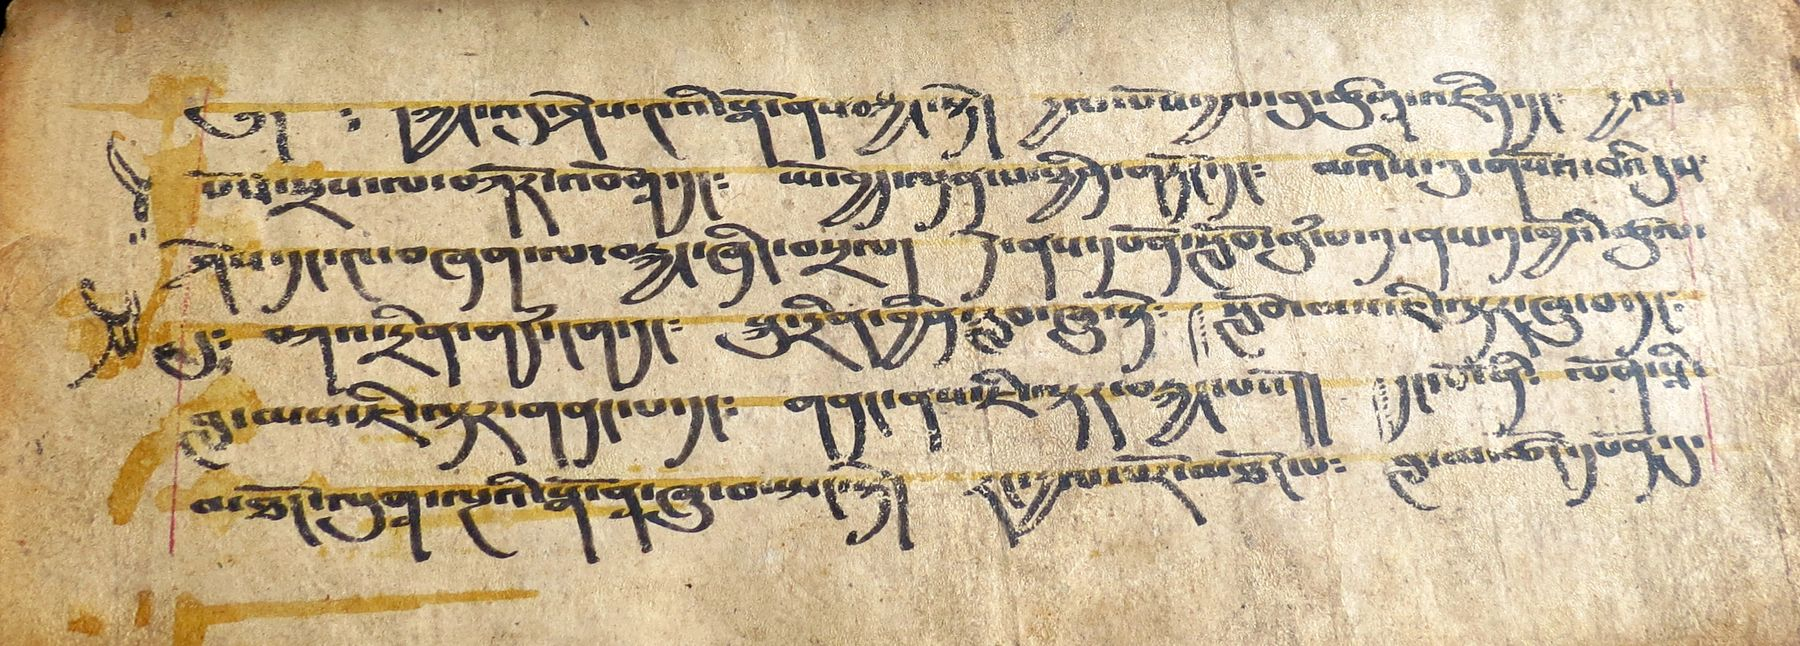ཀྱང་འདུ་ཤེས་བཞིའི་སྒོ་ནས་བསྐྱང་སྟེ། རྒྱལ་པོ་རྒྱལ་བུ་ཚུགས་འཛིན་དང་། རྒྱལ་
པོའི་སྲས་ལ་དཀོར་འབོགས་པ་དང་། ལོངས་སྤྱོད་ལྡན་པས་སྦྱིན་གཏོང་དང་། མ་ཡིས་བུ་གསོའི་འདུ་
ཤེས་དང་བཞི་བཞག་ལ་བསྐྱང་ཞིང་བསྲལ། དེ་ནས་དཔོན་སློབ་བུམ་པ་གཅིག་ནས་གཅིག་བྱོའི་ཚུལ་
དུ། བཀའ་དྲིན་གདམས་ངག་དང་། སྐུ་དྲིན་བྱིན་རླབས་ཞུས་སྟེ། སློབ་མས་ཇི་ལྟར་ཞུ་བ་དང་། 
བླ་མས་ཇི་ལྟར་གནང་བ་དང་། གནང་ནས་ཇི་ལྟར་བསྐྱང་པའོ། ། དང་པོ་༼སློབ་མས་ཇི་ལྟར་ཞུ་བ༽ནི། ལོག་པའི་
མཐོང་ལུགས་ལྔའི་སྒོ་ནས་ཞུ་བ་སྤང་སྟེ། རང་རྒྱལ་པོར་མཐོང་བ་དང་། བླ་མ་ཚོང་དཔོན་དུ་